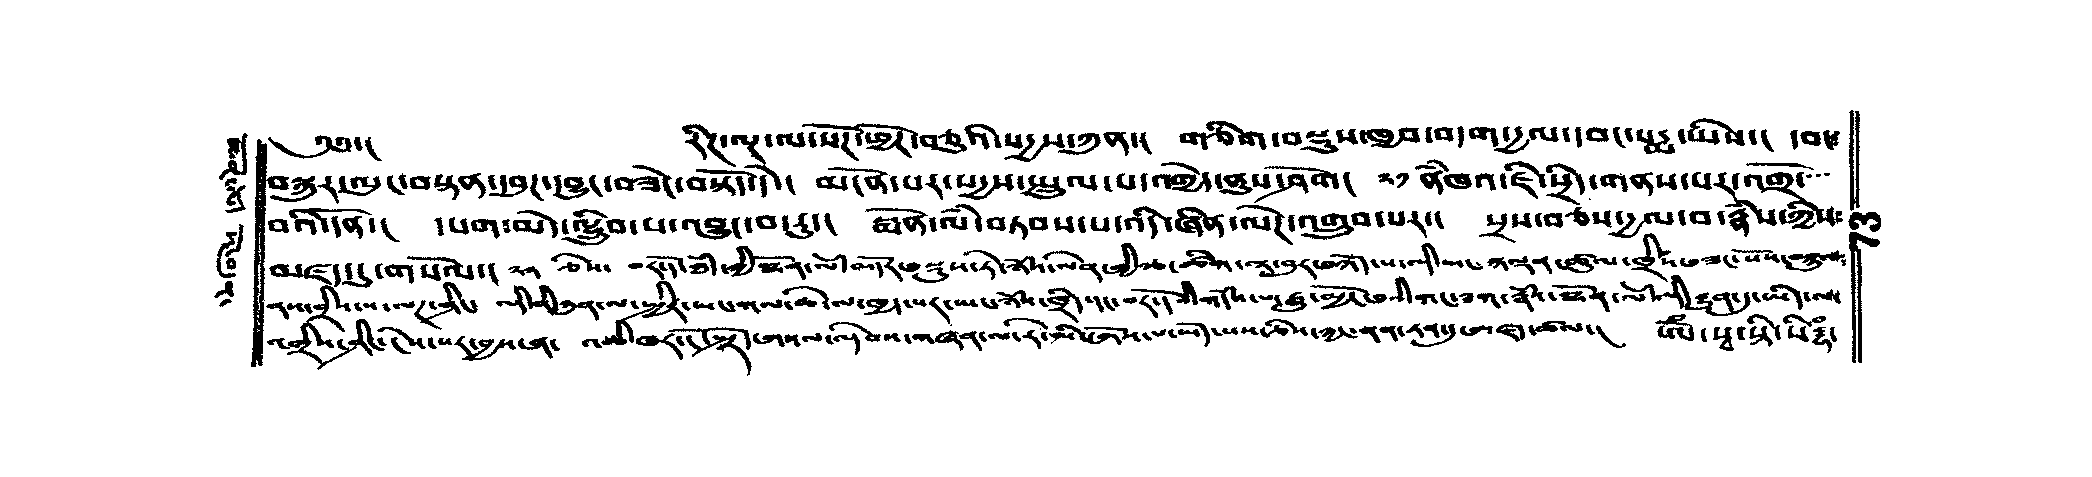།རིགས་ལྔ་ལ་སོགས་ཕྱོགས་བཅུའི་སངས་རྒྱས་ཀུན། །གཅིག་བསྡུས་ཁྱབ་བདག་རྒྱལ་དབང་པདྨ་ཡིས། །དབང་
བསྐུར་ལུང་བསྟན་དབུགས་དབྱུང་བཟེངས་བསྟོད་དེ། །མངོན་པར་སངས་རྒྱས་སྤྲུལ་པ་འགྱེད་ནུས་ཤོག །ནམ་མཁའ་ཇི་སྲིད་གནས་པར་འགྲོ་
བའི་དོན། །དཔག་མེད་ལྷུན་གྱིས་གྲུབ་པ་འབྱུང་བ་རུ། །སྨོན་ལམ་བཏབ་པ་འདི་བཞིན་ལེགས་འགྲུབ་པར། །སྲས་བཅས་རྒྱལ་བ་རྣམས་ཀྱིས་
མཛད་དུ་གསོལ།། ཅེས་བར་དོ་ཐམས་ཅད་ཀྱི་སྨོན་ལམ་མདོར་བསྡུས་ཏེ་ཉམས་ལེན་གྱི་རྩ་ཚིག་ལྟ་བུར་བཀོད་པ་འདི་ཡང་སྐལ་ལྡན་ཚུལ་ཁྲིམས་བཟང་པོས་བསྐུལ་
ནས་བྲིས་པ་ལགས་ཤིང་། འདི་ནི་ཀུན་ལ་སྤྱིར་ཡང་གལ་ཆེ་ལ་ཁྱད་པར་ཡང་ཉམས་ཁྲིད་དང་བར་དོའི་གདམས་པ་ཞུ་མྱོང་བའི་གང་ཟག་རྣམས་སྨོན་ལམ་འདི་རྒྱུན་དུ་ཡིད་ལ་
འདྲིས་ཤིང་ངེས་པར་བྱས་ན། འཆི་ཁར་ངོ་སྤྲོད་གསལ་འདེབས་གཞན་ལ་རེ་མི་དགོས་པ་ཡོད་པས་ཅིས་ཀྱང་ནན་ཏན་དུ་མཛད་འཚལ། ཨོཾ་སྭ་སྟི་སིདྡྷཾ།